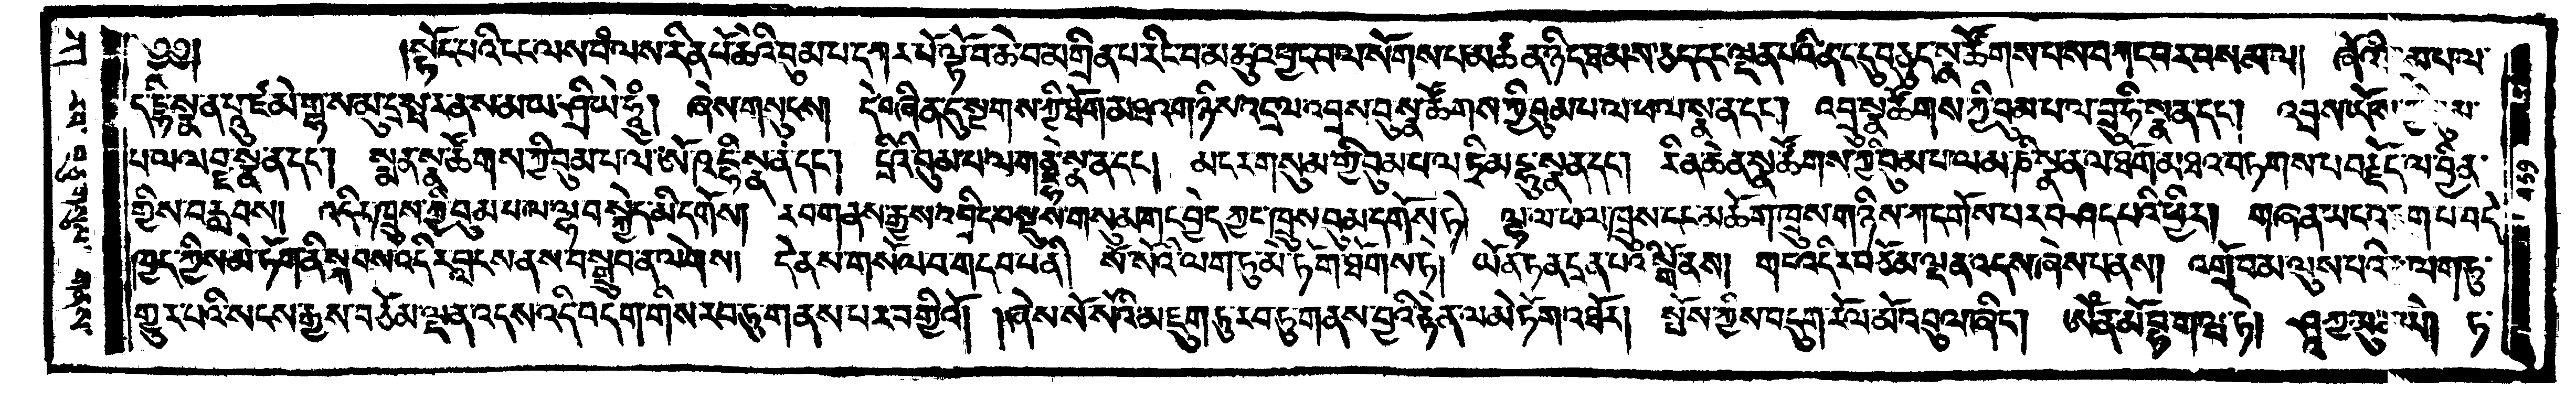༄༅། །སྟོང་པའི་ངང་ལས་བཾ་ལས་རིན་པོ་ཆེའི་བུམ་པ་དཀར་པོ་ལྟོ་བ་ཆེ་བ་མགྲིན་པ་རིང་བ་མཆུ་འཕྱང་བ་ལ་སོགས་པ་མཚན་ཉིད་ཐམས་ཅད་དང་ལྡན་པའི་ནང་དུ་བཅུད་སྣ་ཚོགས་བས་བཀང་བར་བསམ་ལ། ཞོའི་པ་མ་ལ་
ད་དྷི་སྣ་ན་པཱུ་ཛ་མེདག་ས་མུ་དྲ་སྥ་ར་ན་ས་མ་ལ་ཤྲི་ཡེ་ཧཱུཾ། ཞེས་གསུངས། དེ་བཞིན་དུ་སྔགས་ཀྱི་ཐོག་མཐའ་གཉིས་འདྲལ་འབྲས་བུ་སྣ་ཚོགས་ཀྱི་བུམ་པ་ལ་ཕ་ལ་སྣ་ན་དང་། འབྲས་ཡོས་ཀྱི་བུམ?
པ་ལ་ལ་བྫ་སྣ་ན་དང་། སྨན་སྣ་ཚོགས་ཀྱི་བུམ་པ་ལ་ཨོ་ཥདྷི་སྣ་ན་དང་། དྲིའི་བུམ་པ་ལ་གནྡྷེ་སྣ་ན་དང་། མངར་གསུམ་གྱི་བུམ་པ་ལ་ཏྲི་མ་དྷུ་སྣན་དང་། རིན་ཆེན་སྣ་ཚོགས་ཀྱི་བུམ་པ་ལམ་ཎི་སྣ་ནལ་ཐོག་མཐའ་བཏགས་པ་བརྗོད་ལ་བྱིན་
གྱིས་བརླབས། འདིར་ཁྲུས་ཀྱི་བུམ་པ་ལ་ལྷ་བསྐྱེད་མི་དགོས། རབ་གནས་རྒྱས་འབྲིང་བསྡུས་གསུམ་གང་བྱེད་ཀྱང་ཁྲུས་བུམ་དགོས་ཏེ། ལྷ་ལ་ཕལ་ཁྲུས་དང་མཆོག་ཁྲུས་གཉིས་ཀ་དགོས་པར་བཤད་པའི་ཕྱིར། གཞན་ཡང་འག?་པ་བདེ་
ཁྱད་ཀྱིས་མེ་ཏོག་ནི་སྐབས་འདིར་བླངས་ནས་བསྒྲུབ་ན་ལེགས། དེ་ནས་གསོལ་བ་གདབ་པ་ནི། སོ་སོའི་ལག་ཏུ་མེ་ཏོག་ཐོགས་ཏེ། ཡོན་ཏན་དྲན་པའི་སྒོ་ནས། གང་འདིར་བཅོམ་ལྡན་འདས་ཞེས་པ་ནས། འགྲོ་བ་མ་ལུས་པའི་ལག་ཏུ་
གྱུར་པའི་སངས་རྒྱས་བཅོམ་ལྡན་འདས་འདི་བདག་གིས་རབ་ཏུ་གནས་པར་བགྱིའོ། །ཞེས་སོ་སོའི་འཇུག་ཏུ་རབ་ཏུ་གནས་བྱའི་རྟེན་ལ་མེ་ཏོག་འཐོར། སྤོས་ཀྱིས་བདུག་རོལ་མོ་འབུལ་ཞིང་། ཨོཾ་ན་མོ་བྷ་ག་ཝ་ཏེ། ཤཱ་ཀྱ་མུན?་ཡེ། ཏ་